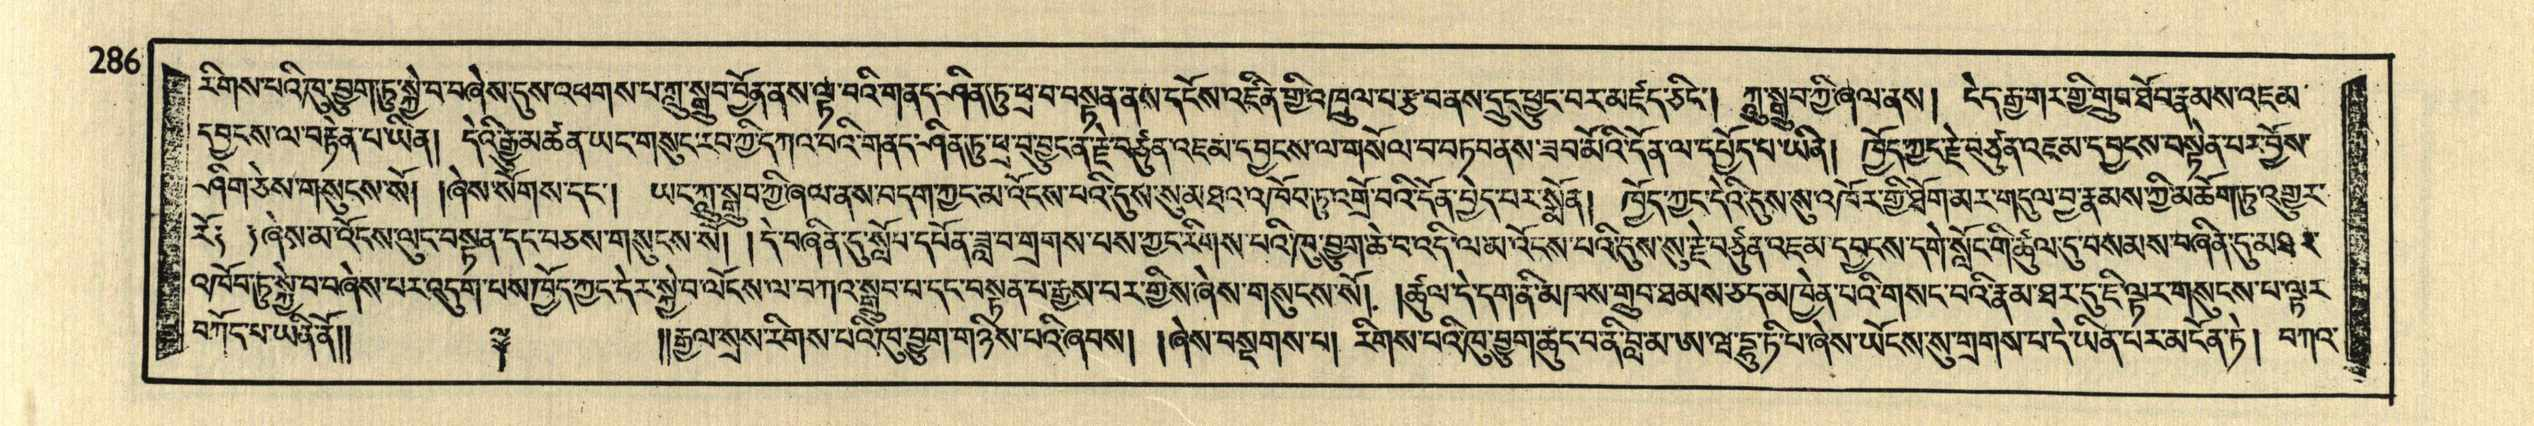རིགས་པའི་ཁུ་བྱུག་ཏུ་སྐྱེ་བ་བཞེས་དུས་འཕགས་པ་ཀླུ་སྒྲུབ་བྱོན་ནས་ལྟ་བའི་གནད་ཤིན་ཏུ་ཕྲ་བ་བསྟན་ནས་དངོས་འཛིན་གྱི་འཁྲུལ་པ་རྩ་བ་ནས་དྲུང་ཕྱུང་བར་མཛད་ཅིང་། ཀླུ་སྒྲུབ་ཀྱི་ཞལ་ནས། ངེད་རྒྱ་གར་གྱི་གྲུབ་ཐོབ་རྣམས་འཇམ་
དབྱངས་ལ་བརྟེན་པ་ཡིན། དེའི་རྒྱུ་མཚན་ཡང་གསུང་རབ་ཀྱི་དཀའ་བའི་གནད་ཤིན་ཏུ་ཕྲ་བ་བྱུང་ན་རྗེ་བཙུན་འཇམ་དབྱངས་ལ་གསོལ་བ་བཏབ་ནས་ཟབ་མོའི་དོན་ལ་དཔྱོད་པ་ཡིན། ཁྱོད་ཀྱང་རྗེ་བཙུན་འཇམ་དབྱངས་བསྟེན་པར་བྱོས་
ཤིག་ཅེས་གསུངས་སོ། །ཞེས་སོགས་དང་། ཡང་ཀླུ་སྒྲུབ་ཀྱི་ཞལ་ནས་བདག་ཀྱང་མ་འོངས་པའི་དུས་སུ་མཐའ་འཁོབ་ཏུ་འགྲོ་བའི་དོན་བྱེད་པར་སྨོན། ཁྱོད་ཀྱང་དེའི་དུས་སུ་འཁོར་གྱི་ཐོག་མར་གདུལ་བྱ་རྣམས་ཀྱི་མཆོག་ཏུ་འགྱུར་
རོ༑ ༑ཞེས་མ་འོངས་ལུང་བསྟན་དང་བཅས་གསུངས་སོ། །དེ་བཞིན་དུ་སློབ་དཔོན་ཟླ་བ་གྲགས་པས་ཀྱང་རིགས་པའི་ཁུ་བྱུག་ཆེ་བ་འདི་ལ་མ་འོངས་པའི་དུས་སུ་རྗེ་བཙུན་འཇམ་དབྱངས་དགེ་སློང་གི་ཚུལ་དུ་བསམས་བཞིན་དུ་མཐའ་
འཁོབ་ཏུ་སྐྱེ་བ་བཞེས་པར་འདུག་པས་ཁྱོད་ཀྱང་དེར་སྐྱེ་བ་ལོངས་ལ་བཀའ་སྒྲུབ་པ་དང་བསྟན་པ་རྒྱས་པར་གྱིས་ཞེས་གསུངས་སོ། །ཚུལ་དེ་དག་ནི་མཁས་གྲུབ་ཐམས་ཅད་མཁྱེན་པའི་གསང་བའི་རྣམ་ཐར་དུ་ཇི་ལྟར་གསུངས་པ་ལྟར་
བཀོད་པ་ཡིན་ནོ།། ༈ །།རྒྱལ་སྲས་རིགས་པའི་ཁུ་བྱུག་གཉིས་པའི་ཞབས། །ཞེས་བསྔགས་པ། རིགས་པའི་ཁུ་བྱུག་ཆུང་བ་ནི་བླ་མ་ཨ་ཝ་དྷུ་ཏི་པ་ཞེས་ཡོངས་སུ་གྲགས་པ་དེ་ཡིན་པར་མངོན་ཏེ། བཀའ་